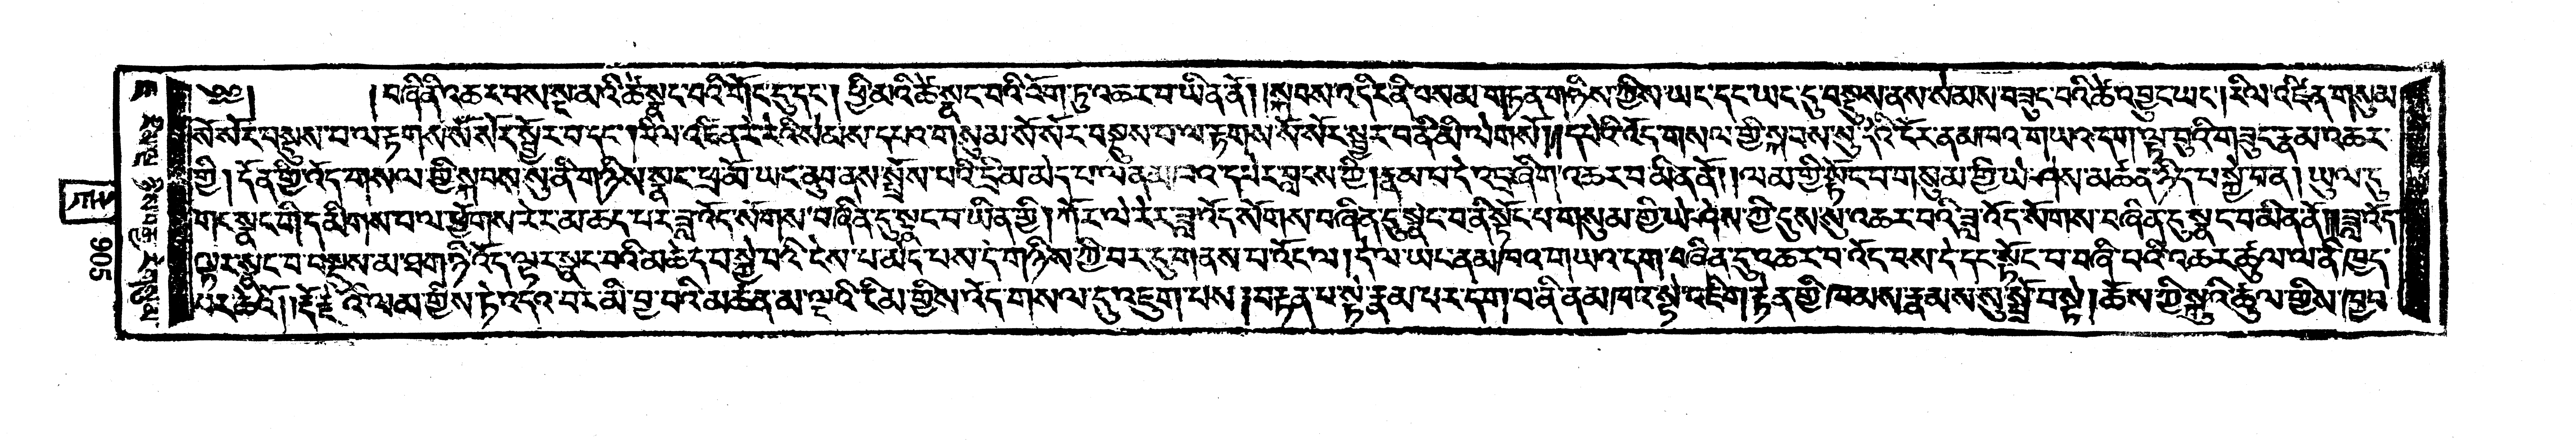༄༅། །བཞི་ནི་འཆར་བས་སྔ་མའི་ཚེ་སྣང་བའི་གོང་དུ་དང་། ཕྱི་མའི་ཚེ་སྣང་བའི་འོག་ཏུ་འཆར་བ་ཡིན་ནོ། །སྐབས་འདིར་ནི་བསམ་གཏན་གཉིས་ཀྱིས་ཡང་དང་ཡང་དུ་བསྡུས་ནས་སེམས་བཟུང་བའི་ཚེ་འབྱུང་ཡང་། རིལ་འཛིན་གསུམ་
སོ་སོར་བསྡུས་པ་ལ་རྟགས་སོ་སོར་སྦྱོར་བ་དང་། རིལ་འཛིན་རེ་རེའི་སེམས་དཔའ་གསུམ་སོ་སོར་བསྡུས་པ་ལ་རྟགས་སོ་སོར་སྦྱར་བ་ནི་མི་ལེགས་སོ། །དཔེའི་འོད་གསལ་གྱི་སྐབས་སུ་དེའི་ངོར་ནམ་མཁའ་གཡའ་དག་ལྟ་བུའི་གཟུང་རྣམ་འཆར་
གྱི། དོན་གྱི་འོད་གསལ་གྱི་སྐབས་སུ་ནི་གཉིས་སྣང་ཕྲ་མོ་ཡང་ནུབ་ནས་སྤྲོས་པའི་དྲི་མ་མེད་པ་ལ་ནམ་མཁའ་དཔེར་བླངས་ཀྱི། རྣམ་པ་དེ་འདྲ་ཞིག་འཆར་བ་མིན་ནོ། །ལམ་གྱི་སྟོང་པ་གསུམ་གྱི་ཡེ་ཤེས་མཚན་ཉིད་པ་སྐྱེ་བ་ན། ཡུལ་དུ་
གང་སྣང་གི་དམིགས་པ་ལ་ཕྱོགས་རེར་མ་ཆད་པར་ཟླ་འོད་སོགས་བཞིན་དུ་སྣང་བ་ཡིན་གྱི། ཀོར་ལེ་རེར་ཟླ་འོད་སོགས་བཞིན་དུ་སྣང་བ་ནི་སྟོང་པ་གསུམ་གྱི་ཡེ་ཤེས་ཀྱི་དུས་སུ་འཆར་བའི་ཟླ་འོད་སོགས་བཞིན་དུ་སྣང་བ་མིན་ནོ། །ཟླ་འོད་
ལྟར་སྣང་བ་བསྡུས་མ་ཐག་ཉི་འོད་ལྟར་སྣང་བའི་མཆེད་པ་སྐྱེ་བའི་ངེས་པ་མེད་པས་དེ་གཉིས་ཀྱི་བར་དུ་གནས་པ་འོང་ལ། དེ་ལ་ཡང་ནམ་མཁའ་གཡའ་དག་བཞིན་དུ་འཆར་བ་འོང་བས་དེ་དང་སྟོང་པ་བཞི་པའི་འཆར་ཚུལ་ལ་ནི་ཁྱད་
པར་ཆེའོ། །རྡོ་རྗེའི་ལམ་གྱིས་ཏེ་འདའ་བར་མི་བྱ་བའི་མཚན་མ་ལྔའི་རིམ་གྱིས་འོད་གསལ་དུ་འཇུག་པས། བརྟན་པ་སྟ་རྣམ་པར་དག་པ་ནི་ནམ་མཁའ་སྟེ་འཇིག་རྟེན་གྱི་ཁམས་རྣམས་སུ་སྤྲོ་བ་སྟེ། ཆོས་ཀྱི་སྐུའི་ཚུལ་གྱིས་ཁྱབ་